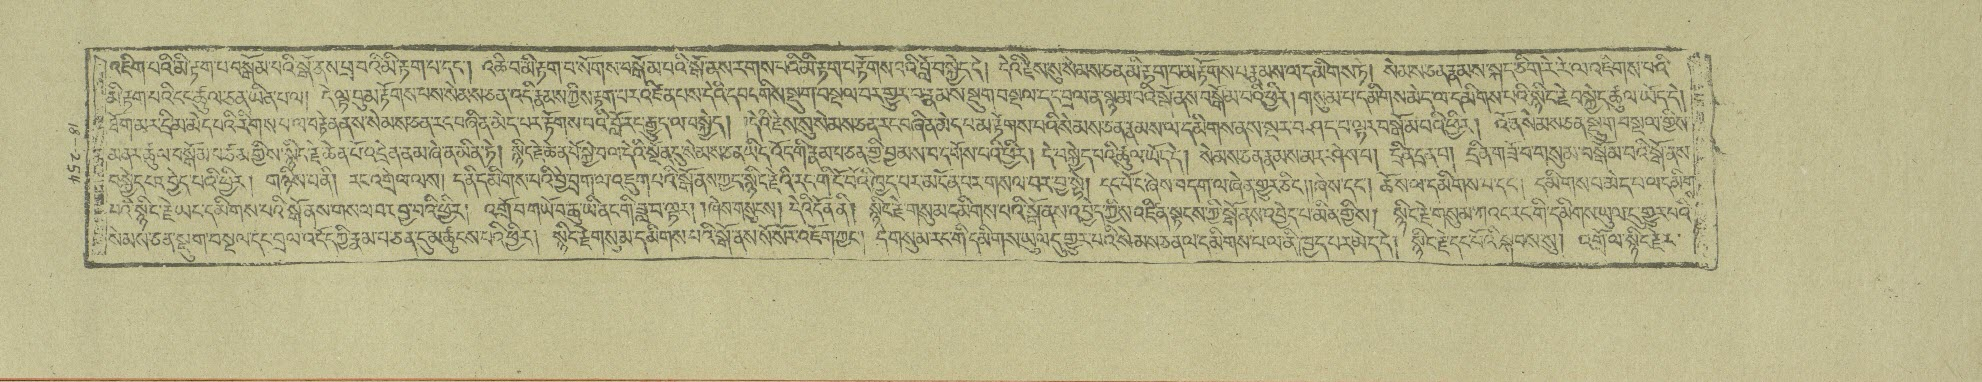འཇིག་པའི་མི་རྟག་པ་བསྒོམ་པའི་སྒོ་ནས་ཕྲ་བའི་མི་རྟག་པ་དང་། འཆི་བ་མི་རྟག་པ་སོགས་བསྒོམ་པའི་སྒོ་ནས་རགས་པའི་མི་རྟག་པ་རྟོགས་པའི་བློ་བསྐྱེད་དེ། དེའི་རྗེས་སུ་སེམས་ཅན་མི་རྟག་པ་མ་རྟོགས་པ་རྣམས་ལ་དམིགས་ཏེ། སེམས་ཅན་རྣམས་སྐད་ཅིག་རེ་རེ་ལ་འཇིགས་པའི་
མི་རྟག་པའི་དང་ཚུལ་ཅན་ཡིན་པ་ལ། དེ་ལྟ་བུ་མ་རྟོགས་པས་སེམས་ཅན་འདི་རྣམས་ཀྱིས་རྟག་པར་འཛིན་པས་དེའི་དབང་གིས་སྡུག་བསྔལ་བར་གྱུར་བ་རྣམས་སྡུག་བསྔལ་དང་བྲལ་ན་སྙམ་པའི་སྒོ་ནས་བསྒོམ་པའི་ཕྱིར། གསུམ་པ་དམིགས་མེད་ལ་དམིགས་པའི་སྙིང་རྗེ་བསྐྱེད་ཚུལ་ཡོད་དེ།
ཐོག་མར་དྲི་མ་མེད་པའི་རིགས་པ་ལ་བརྟེན་ནས་སེམས་ཅན་རང་བཞིན་མེད་པར་རྟོགས་པའི་བློ་རང་རྒྱུད་ལ་བསྐྱེད། །དེའི་རྗེས་སུ་སེམས་ཅན་རང་བཞིན་མེད་པ་མ་རྟོགས་པའི་སེམས་ཅན་རྣམས་ལ་དམིགས་ནས་སྔར་བཤད་པ་ལྟར་བསྒོམ་པའི་ཕྱིར། འོ་ན་སེམས་ཅན་སྡུག་བསྔལ་གྱིས་
མནར་ཚུལ་བསྒོམ་པ་ཙམ་གྱིས་སྙིང་རྗེ་ཆེན་པོ་འདྲེན་ནམ་ཞེ་ན་མིན་ཏེ། སྙིང་རྗེ་ཆེན་པོ་སྐྱེ་བ་ལ་དེའི་སྔོན་དུ་སེམས་ཅན་ཡིད་འོང་གི་རྣམ་པ་ཅན་གྱི་བྱམས་པ་དགོས་པའི་ཕྱིར། དེ་བསྐྱེད་པའི་ཚུལ་ཡོད་དེ། སེམས་ཅན་རྣམས་མར་ཤེས་པ། དྲིན་དྲན་པ། དྲི་གཟོ་བ་གསུམ་བསྒོམ་པའི་སྒོ་ནས་
བསྐྱེད་པར་བྱེད་པའི་ཕྱིར། གཉིས་པ་ནི། རང་འགྲེལ་ལས། ད་ནི་དམིགས་པའི་བྱེ་བྲག་ལ་འཇུག་པའི་སྒོ་ནས་ཀྱང་སྙིང་རྗེའི་རང་གི་ངོ་བོའི་ཁྱད་པར་མངོན་པར་གསལ་བར་བྱ་སྟེ། དང་པོ་ང་ཞེས་བདག་ལ་ཞེན་གྱུར་ཅིང་། །ཞེས་དང་། ཆོས་ལ་དམིགས་པ་དང་། དམིགས་པ་མེད་པ་ལ་དམིགས་
པའི་སྙིང་རྗེ་ཡང་དམིགས་པའི་སྒོ་ནས་གསལ་བར་བྱ་བའི་ཕྱིར། འགྲོ་བ་གཡོ་བ་ཆུ་ཡི་ནང་གི་ཟླ་བ་ལྟར། །ཞེས་གསུངས། དེའི་དོན་ནི། སྙིང་རྗེ་གསུམ་དམིགས་པའི་སྒོ་ནས་འབྱེད་ཀྱིས་འཛིན་སྟངས་ཀྱི་སྒོ་ནས་འབྱེད་པ་མིན་གྱིས། སྙིང་རྗེ་གསུམ་ཀའང་རང་གི་དམིགས་ཡུལ་དུ་གྱུར་བའི་
སེམས་ཅན་སྡུག་བསྔལ་དང་བྲལ་འདོད་ཀྱི་རྣམ་པ་ཅན་དུ་མཚུངས་པའི་ཕྱིར། སྙིང་རྗེ་གསུམ་དམིགས་པའི་སྒོ་ནས་སོ་སོར་འཇོག་ཀྱང་། དེ་གསུམ་རང་གི་དམིགས་ཡུལ་དུ་གྱུར་པའི་སེམས་ཅན་ལ་དམིགས་པ་ལ་ནི་ཁྱད་པར་མེད་དེ། སྙིང་རྗེ་དང་པོའི་སྐབས་སུ། འགྲོ་ལ་སྙིང་རྗེར་